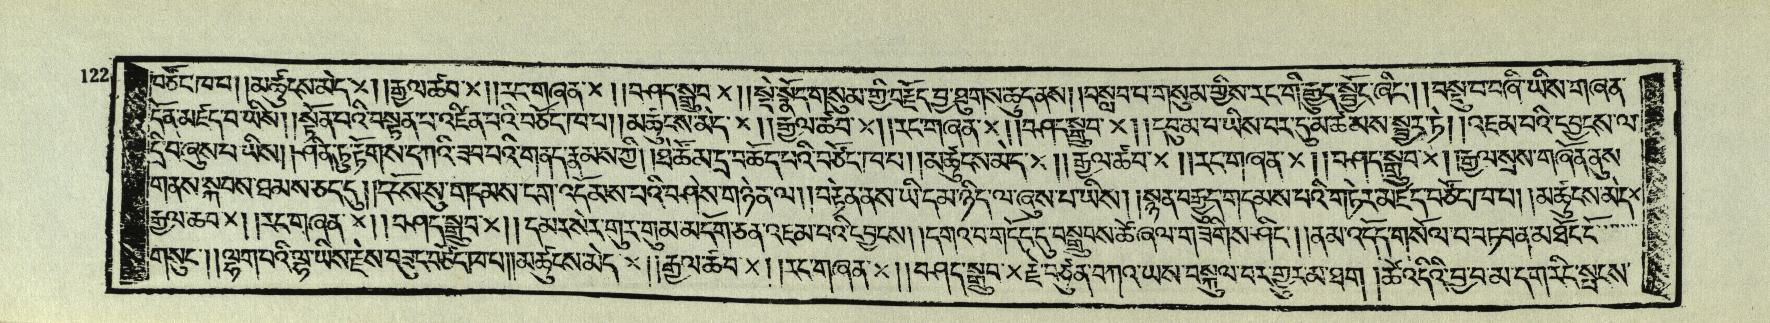བཙོང་ཁ་པ། །མཚུངས་མེད་྾། །རྒྱལ་ཚབ་྾། །རང་གཞན་྾། །བཤད་སྒྲུབ་྾། །སྡེ་སྣོད་གསུམ་གྱི་བརྗོད་བྱ་ཐུགས་ཆུད་ནས། །བསླབ་པ་གསུམ་གྱིས་རང་གི་རྒྱུད་སྦྱོང་ཞིང་། །བསྡུ་བ་བཞི་ཡིས་གཞན་
དོན་མཛད་བ་ཡིས། །སྟོན་པའི་བསྟན་པ་འཛིན་པའི་བཙོང་ཁ་པ། །མཚུངས་མེད་྾། །རྒྱལ་ཚབ་྾། །རང་གཞན་྾། །བཤད་སྒྲུབ་྾། །དབུ་མ་པ་ཡིས་བར་དུ་མཚམས་སྦྱར་ཏེ། །འཇམ་པའི་དབྱངས་ལ་
དྲི་བ་ཞུས་པ་ཡིས། །ཤིན་ཏུ་རྟོགས་དཀའི་ཟབ་པའི་གནད་རྣམས་ཀྱི། །ཐེ་ཚོམ་དྲ་བ་ཆོད་པའི་བཙོང་ཁ་པ། །མཚུངས་མེད་྾། །རྒྱལ་ཚབ་྾། །རང་གཞན་྾། །བཤད་སྒྲུབ་྾། །རྒྱལ་སྲས་གཞོན་ནུས་
གནས་སྐབས་ཐམས་ཅད་དུ། །དངོས་སུ་གདམས་ངག་འདོམས་པའི་བཤེས་གཉེན་ལ། །བརྟེན་ནས་ཡི་དམ་ཉིད་ལ་ཞུས་པ་ཡིས། །སྙན་བརྒྱུད་གདམས་པའི་གཏེར་མཛད་བཙོང་ཁ་པ། །མཚུངས་མེད་྾་
རྒྱལ་ཚབ་྾། །རང་གཞན་྾། །བཤད་སྒྲུབ་྾། །དམར་སེར་གུར་གུམ་མདོག་ཅན་འཇམ་པའི་དབྱངས། །དགའ་བ་གདོང་དུ་བསྒྲུབས་ཚེ་ཞལ་གཟིགས་ཤིང་། །ནམ་འདོད་གསོལ་བ་བཏབ་ན་མཐོང་ངོ་
གསུང་། །ལྷག་པའི་ལྷ་ཡིས་རྗེས་བཟུང་བཙོང་ཁ་པ། །མཚུངས་མེད་྾། །རྒྱལ་ཚབ་྾། །རང་གཞན་྾། །བཤད་སྒྲུབ་྾་རྗེ་བཙུན་བཀའ་ཡས་བསྐུལ་བར་གྱུར་མ་ཐག །ཚེ་འདིའི་བྱ་བ་མ་དག་རིང་སྤངས་